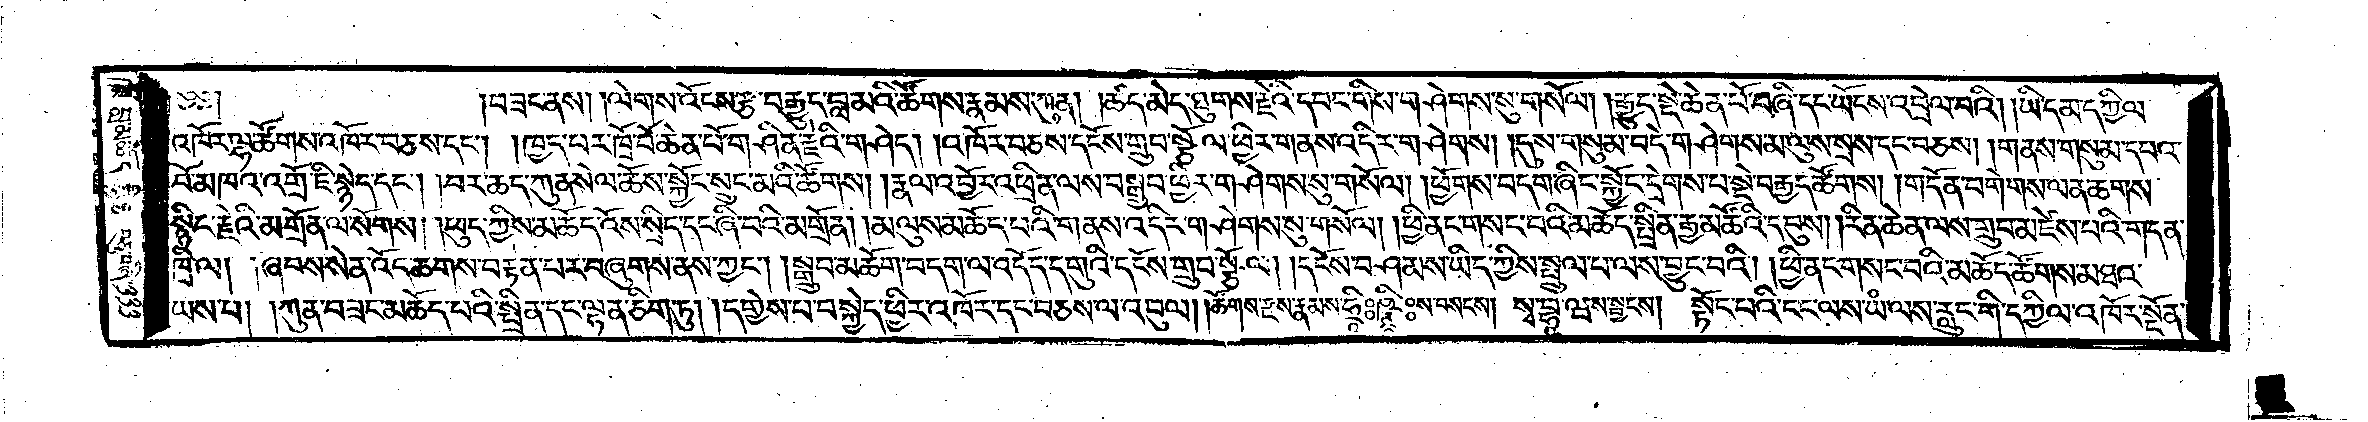༄༅། །བཟང་ནས། །ལེགས་འོངས་རྩ་བརྒྱུད་བླ་མའི་ཚོགས་རྣམས་ཀུན། །ཚད་མེད་ཐུགས་རྗེའི་དབང་གིས་གཤེགས་སུ་གསོལ། །རྒྱུད་སྡེ་ཆེན་པོ་བཞི་དང་ཡོངས་འབྲེལ་བའི། །ཡི་དམ་དཀྱིལ་
འཁོར་ལྷ་ཚོགས་འཁོར་བཅས་དང་། །ཁྱད་པར་ཁྲོ་བོ་ཆེན་པོ་གཤིན་རྗེའི་གཤེད། །འཁོར་བཅས་དངོས་གྲུབ་སྩོལ་ཕྱིར་གནས་འདིར་གཤེགས། །དུས་གསུམ་བདེ་གཤེགས་མ་ལུས་སྲས་དང་བཅས། །གནས་གསུམ་དཔའ་
བོ་མཁའ་འགྲོ་ཇི་སྙེད་དང་། །བར་ཆད་ཀུན་སེལ་ཆོས་སྐྱོང་སྲུང་མའི་ཚོགས། །རྣལ་འབྱོར་འཕྲིན་ལས་བསྒྲུབ་ཕྱིར་གཤེགས་སུ་གསོལ། །ཕྱོགས་བདག་ཞིང་སྐྱོང་དྲེགས་པ་སྡེ་བརྒྱད་ཚོགས། །གདོན་བགེགས་ལན་ཆགས་
སྙིང་རྗེའི་མགྲོན་ལ་སོགས། །ཕུད་ཀྱིས་མཆོད་འོས་སྲིད་དང་ཞི་བའི་མགྲོན། །མ་ལུས་མཆོད་པའི་གནས་འདིར་གཤེགས་སུ་གསོལ། །ཕྱི་ནང་གསང་བའི་མཆོད་སྤྲིན་རྒྱ་མཚོའི་དབུས། །རིན་ཆེན་ལས་གྲུབ་མཛེས་པའི་གདན་
ཁྲིལ། །ཞབས་སེན་འོད་ཆགས་བརྟན་པར་བཞུགས་ནས་ཀྱང་། །སྒྲུབ་མཆོག་བདག་ལ་འདོད་དགུའི་དངོས་གྲུབ་སྩོལ། །དངོས་བཤམས་ཡིད་ཀྱིས་སྤྲུལ་པ་ལས་བྱུང་བའི། །ཕྱི་ནང་གསང་བའི་མཆོད་ཚོགས་མཐའ་
ཡས་པ། །ཀུན་བཟང་མཆོད་པའི་སྤྲིན་དང་ལྷན་ཅིག་ཏུ། །དགྱེས་པ་བསྐྱེད་ཕྱིར་འཁོར་དང་བཅས་ལ་འབུལ། །ཚོགས་རྫས་རྣམས་ཧྲཱིཿཥྚྲཱིཿས་བསངས། སྭ་བྷཱ་ཝས་སྦྱངས།  སྟོང་པའི་ངང་ལས་ཡཾ་ལས་རླུང་གི་དཀྱིལ་འཁོར་སྔོན་